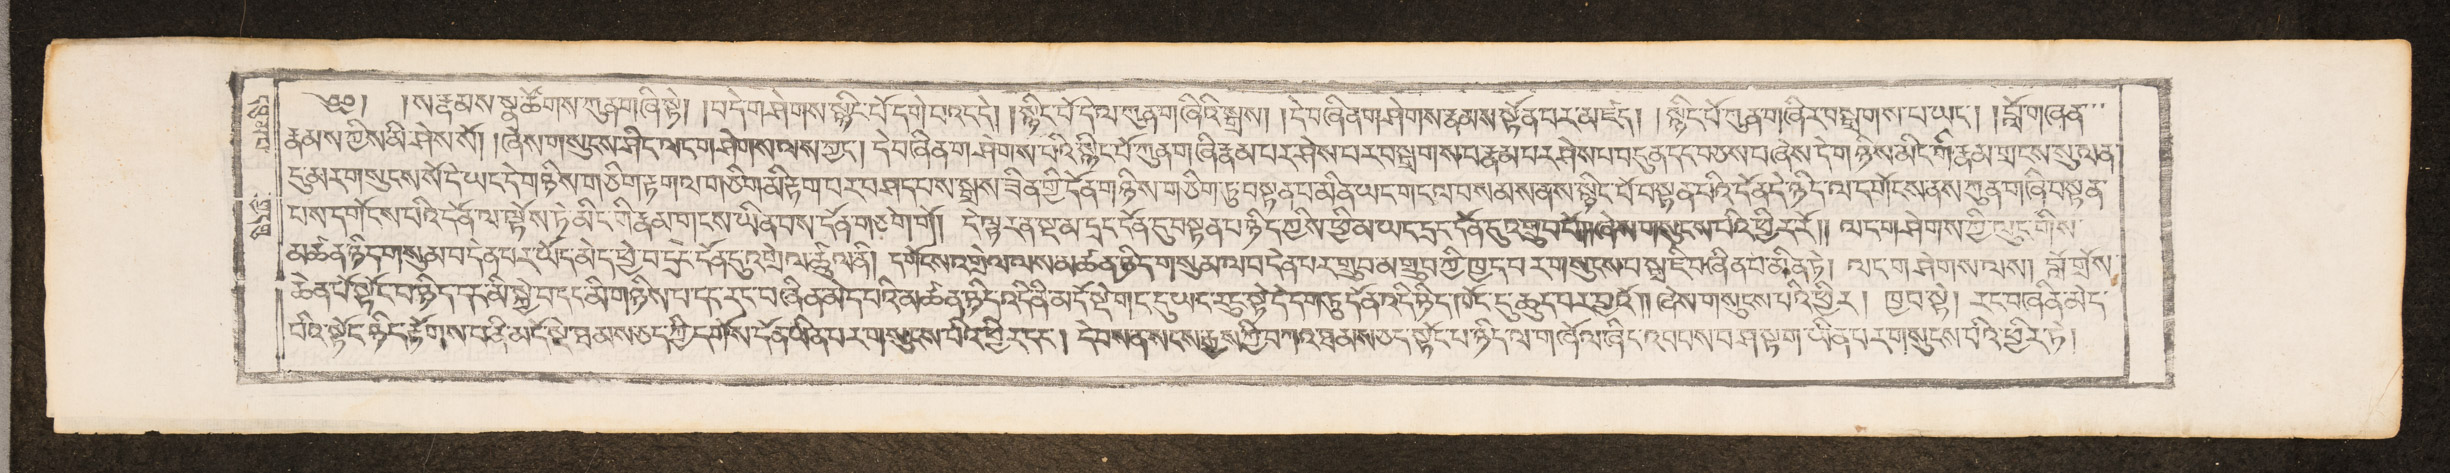༄༅། །ས་རྣམས་སྣ་ཚོགས་ཀུན་གཞི་སྟེ། །བདེ་གཤེགས་སྙིང་པོ་དགེ་བའང་དེ། །སྙིང་པོ་དེ་ལ་ཀུན་གཞིའི་སྒྲས། །དེ་བཞིན་གཤེགས་རྣམས་སྟོན་པར་མཛད། །སྙིང་པོ་ཀུན་གཞིར་བསྒྲགས་པ་ཡང་། །བློ་གཞན་
རྣམས་ཀྱིས་མི་ཤེས་སོ། །ཞེས་གསུངས་ཤིང་ལང་གཤེགས་ལས་ཀྱང་། དེ་བཞིན་གཤེགས་པའི་སྙིང་པོ་ཀུན་གཞི་རྣམ་པར་ཤེས་པར་བསྒྲགས་པ་རྣམ་པར་ཤེས་པ་བདུན་དང་བཅས་པ་ཞེས་དེ་གཉིས་མིང་གི་རྣམ་གྲངས་སུ་ལན་
དུ་མར་གསུངས་སོ་དེ་ཡང་དེ་གཉིས་གཅིག་རྟག་ལ་གཅིག་མི་རྟག་པར་བཤད་པས་སྒྲ་ཟིན་གྱི་དོན་གཉིས་གཅིག་ཏུ་བསྟན་པ་མིན་ཡང་གང་ལ་བསམས་ནས་སྙིང་པོ་བསྟན་པའི་དོན་དེ་ཉིད་ལ་དགོངས་ནས་ཀུན་གཞི་བསྟན་
པས་དགོངས་པའི་དོན་ལ་ལྟོས་ཏེ་མིང་གི་རྣམ་གངས་ཡིན་པས་དོན་གཅིག་གོ། དེ་ལྟར་ན་སྔ་མ་དྲང་དོན་དུ་བསྟན་པ་ཉིད་ཀྱིས་ཕྱི་མ་ཡང་དྲང་དོན་དུ་འགྲུབ་བོ། །ཞེས་གསུངས་པའི་ཕྱིར་རོ།། ལང་གཤེགས་ཀྱི་ལུང་གིས་
མཚན་ཉིད་གསུམ་བདེན་པར་ཡོད་མེད་ཕྱེ་བ་དྲང་དོན་དུ་འགྲེལ་ཚུལ་ནི། དགོངས་འགྲེལ་ལས་མཚན་ཉིད་གསུམ་ལ་བདེན་པར་གྲུབ་མ་གྲུབ་ཀྱི་ཁྱད་པར་གསུངས་པ་སྒྲ་ཇི་བཞིན་པ་མིན་ཏེ། ལང་གཤེགས་ལས། བློ་གྲོས་
ཆེན་པོ་སྟོང་པ་ཉིད་དང་མི་སྐྱེ་བ་དང་མི་གཉིས་པ་དང་རང་བཞིན་མེད་པའི་མཚན་ཉིད་འདི་ནི་མདོ་སྡེ་གང་དུ་ཡང་རུང་སྟེ་དེ་དག་ཏུ་དོན་འདི་ཉིད་ཁོང་དུ་ཆུད་པར་བྱའོ།། ཞེས་གསུངས་པའི་ཕྱིར། ཁྱབ་སྟེ། རང་བཞིན་མེད་
པའི་སྟོང་ཉིད་རྟོགས་པ་ནི་མདོ་སྡེ་ཐམས་ཅད་ཀྱི་དགོས་དོན་ཡིན་པར་གསུངས་པའི་ཕྱིར་དང་། དེབས་ན་སངས་རྒྱས་ཀྱི་བཀ་འཐམས་ཅད་སྟོང་པ་ཉིད་ལ་གཞོལ་ཞིང་འབབས་པ་ཤ་སྟག་ཡིན་པར་གསུངས་པའི་ཕྱིར་ཏེ།